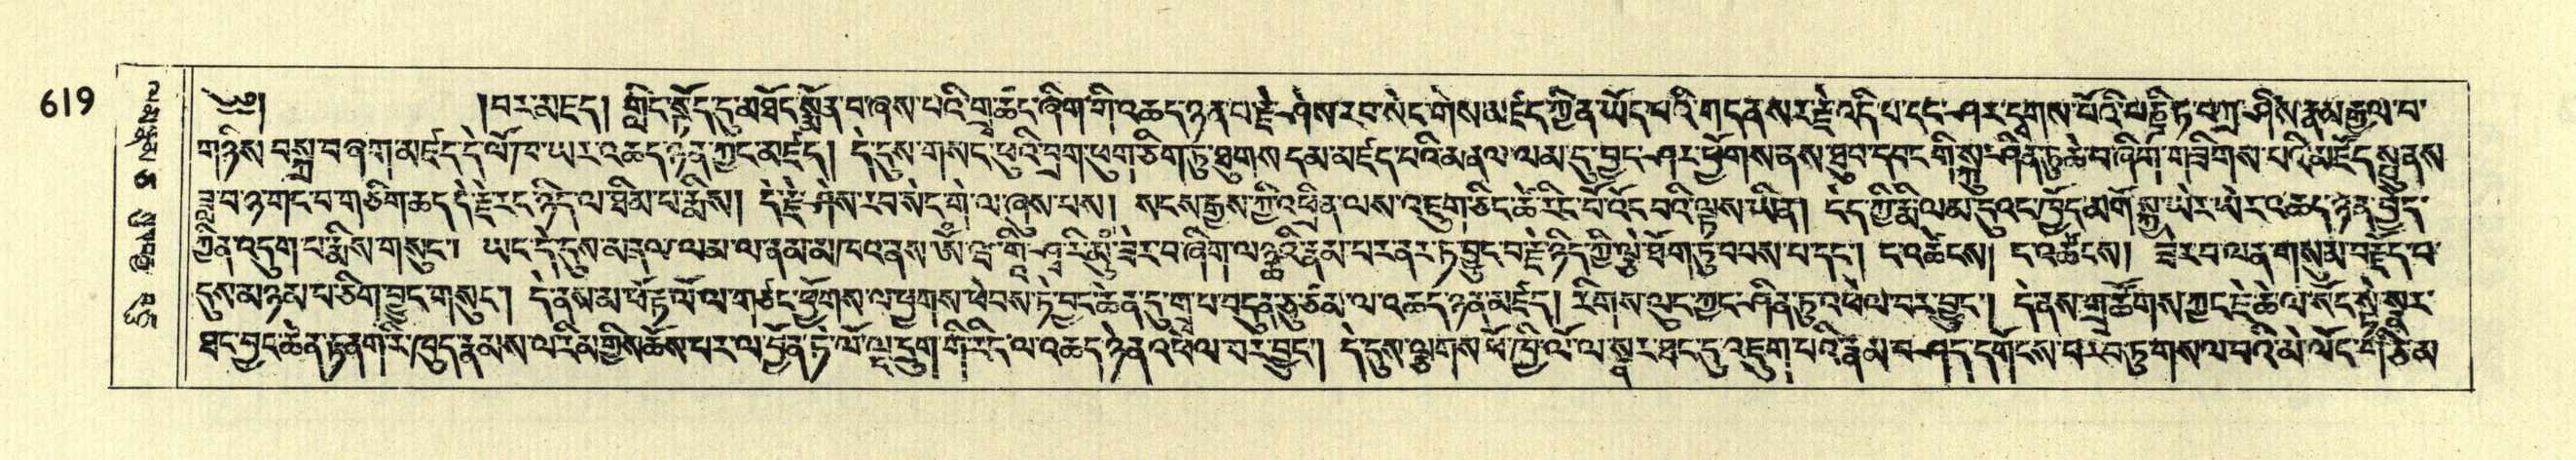༄༅། །བར་མཇད། གླིང་སྟོད་དུ་མཐོང་སྨོན་བ་ཞས་པའི་གྲྭ་ཚང་ཞིག་གི་འཆད་ཉན་པ་རྗེ་ཤེས་རབ་སེང་གེས་མཛད་ཀྱིན་ཡོད་པའི་གདན་སར་རྗེ་འདི་པ་དང་ཤར་དྭགས་པོའི་པཎྜི་ཏ་བཀྲ་ཤིས་རྣམ་རྒྱལ་བ་
གཉིས་བསྐྲ་བཞག་མཛད་དེ་ལོ་ཁ་ཡར་འཆད་ཉན་ཀྱང་མཛད། དེ་དུས་གསང་ཕུའི་བྲག་ཕུག་ཅིག་ཏུ་ཐུགས་དམ་མཛད་པའི་མནལ་ལམ་དུ་བྱང་ཤར་ཕྱོགས་ནས་ཐུབ་དབང་གི་སྐུ་ཤིན་ཏུ་ཆེ་བ་ཞིག་གཟིགས་པའི་མཛོད་སྤུ་ནས་
ཟླ་བ་ཉ་གང་བ་གཅིག་ཆད་དེ་རྗེ་རང་ཉིད་ལ་ཐིམ་པ་རྨིས། དེ་རྗེ་ཤེས་རབ་སེང་གེ་ལ་ཞུས་པས། སངས་རྒྱས་ཀྱི་འཕྲིན་ལས་འཇུག་ཅིང་ཚེ་རིང་པོ་འོང་བའི་ལྟས་ཡིན། ངེད་ཀྱི་རྨི་ལམ་དུའང་ཁྱོད་མགོ་སྐྱ་ཡེར་ཡེར་འཆད་ཉན་བྱེད་
ཀྱིན་འདུག་པ་རྨིས་གསུང་། ཡང་དེ་དུས་མནལ་ལམ་ལ་ནམ་མཁའ་ནས་ཨོཾ་ཝ་གཱི་ཤྭ་རི་མུཾ་ཟེར་བ་ཞིག་ལཉྪའི་རྣམ་པར་ནར་ཏ་བྱུང་བ་རྗེ་ཉིད་ཀྱི་ལྕེ་ཐོག་ཏུ་བབས་པ་དང་། ང་འཚེངས། ང་འཚེངས། ཟེར་བ་ལན་གསུམ་བརྗོད་བ་
དུས་མཉམ་པ་ཅིག་བྱུང་གསུང་། དེ་ནས་མ་ཕོ་རྟ་ལོ་ལ་གཙང་ཕྱོགས་ལ་ཕྱགས་ཕེབས་ཏེ་བྱང་ཆེན་དུ་གྲྭ་པ་བདུན་ཅུ་ཙམ་ལ་འཆད་ཉན་མཛད། རིགས་ལུང་ཀྱང་ཤིན་ཏུ་འཕེལ་བར་བྱུང་། དེ་ནས་གྲྭ་ཚོགས་ཀྱང་རྗེ་ཆེ་ལ་སོང་སྟེ་སྣར་
ཐང་བྱང་ཆེན་རྟ་ནག་རི་ཁུད་རྣམས་ལ་རིམ་གྱིས་ཆོས་པར་ལ་བྱོན་ཏེ་ལོ་ལྔ་དྲུག་གི་རིང་ལ་འཆད་ཉེན་འཕེལ་བར་བྱུང་། དེ་དུས་ལྕགས་ཕོ་ཁྱི་ལོ་ལ་སྣར་ཐང་དུ་འཇུག་པའི་རྣམ་བཤད་དགོངས་པ་རབ་ཏུ་གསལ་བའི་མེ་ལོང་གཅི་མ་